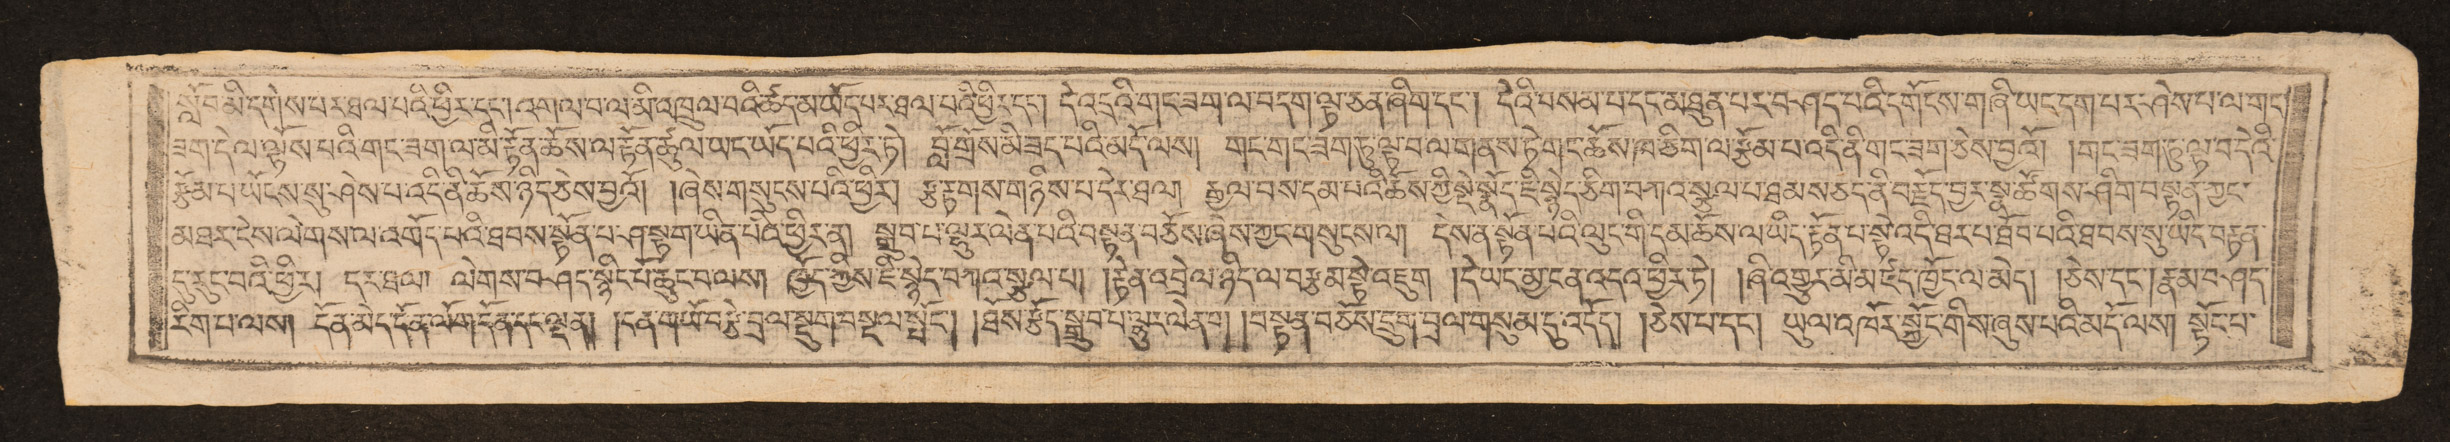སློབ་མི་དགོས་པར་ཐལ་པའི་ཕྱིར་དང་། འགལ་བ་ལ་མི་འཁྲུལ་བའི་ཚད་མ་ཡོད་པར་ཐལ་པའི་ཕྱིར་དང་། དེ་འདྲའི་གང་ཟག་ལ་བདག་ལྟ་ཅན་ཞིག་དང་། དེའི་བསམ་པ་དང་མཐུན་པར་བཤད་པའི་དགོངས་གཞི་ཡང་དག་པར་ཤེས་པ་ལ་གང་
ཟག་དེ་ལ་ལྟོས་པའི་གང་ཟག་ལ་མི་རྟོན་ཆོས་ལ་རྟོན་ཚུལ་ཡང་ཡོད་པའི་ཕྱིར་ཏེ། བློ་གྲོས་མི་ཟད་པའི་མདོ་ལས། གང་གང་ཟག་ཏུ་ལྟ་བ་ལ་གནས་ཏེ་གང་ཆོས་ཁ་ཅིག་ལ་རྩོམ་པ་འདི་ནི་གང་ཟག་ཅེས་བྱའོ། །གང་ཟག་ཏུ་ལྟ་བ་དེའི་
རྩོམ་པ་ཡོངས་སུ་ཤེས་པ་འདི་ནི་ཆོས་ཉིད་ཅེས་བྱའོ། །ཞེས་གསུངས་པའི་ཕྱིར། རྩ་རྟགས་གཉིས་པ་དེར་ཐལ། རྒྱལ་བས་དམ་པའི་ཆོས་ཀྱི་སྡེ་སྣོད་ཇི་སྙེད་ཅིག་བཀའ་སྩལ་པ་ཐམས་ཅད་ནི་བརྗོད་བྱར་སྣ་ཚོགས་ཤིག་བསྟན་ཀྱང་
མཐར་ངེས་ལེགས་ལ་འགོད་པའི་ཐབས་སྟོན་པ་ཤ་སྟག་ཡིན་པའི་ཕྱིར་ན། སྒྲུབ་པ་ལྷུར་ལེན་པའི་བསྟན་བཅོས་ཞེས་ཀྱང་གསུངས་ལ། དེས་ན་སྟོན་པའི་ལུང་གི་དམ་ཆོས་ལ་ཡིད་རྟོན་པ་སྟེ་འདི་ཐར་པ་ཐོབ་པའི་ཐབས་སུ་ཡིད་བརྟན་
དུ་རུང་བའི་ཕྱིར། དེར་ཐལ། ལེགས་བཤད་སྙིང་པོ་ཆུང་པ་ལས། ཁྱོད་ཀྱིས་ཇི་སྙེད་བཀའ་སྩལ་པ། །རྟེན་འབྲེལ་ཉིད་ལ་བརྩམ་སྟེ་འཇུག །དེ་ཡང་མྱ་ངན་འདའ་ཕྱིར་ཏེ། །ཞི་འགྱུར་མི་མཛད་ཁྱོད་ལ་མེད། །ཅེས་དང་། རྣམ་བཤད་
རིག་པ་ལས། དོན་མེད་དོན་ལོག་དོན་དང་ལྡན། །ངན་གཡོ་བརྩེ་བྲལ་སྡུག་བསྔལ་སྤོང་། །ཐོས་རྩོད་སྒྲུབ་པ་ལྷུར་ལེན་པ། །བསྟན་བཅོས་དྲུག་བྲལ་གསུམ་དུ་འདོད། །ཅེས་པ་དང་། ཡུལ་འཁོར་སྐྱོང་གིས་ཞུས་པའི་མདོ་ལས། སྟོང་པ་